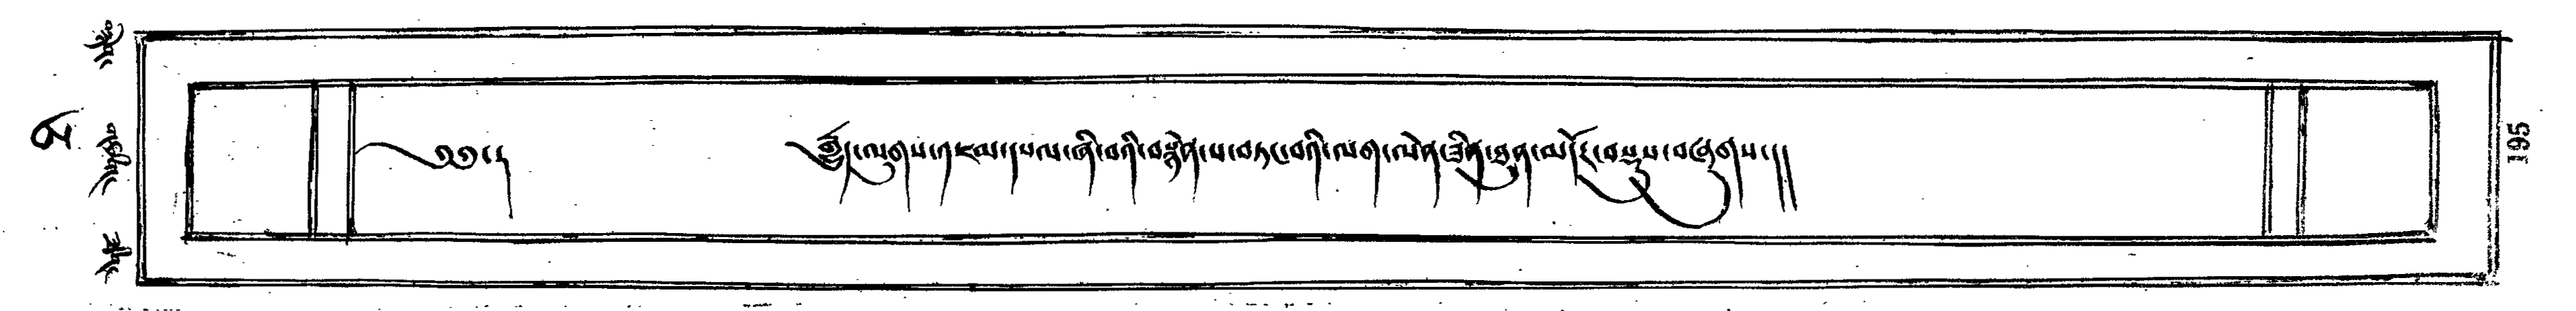༄༅།། རྒྱུད་ལུགས་འཇམ་དཔལ་ཞི་བའི་བསྙེན་པ་གཏོང་བའི་ལག་ལེན་ཟིན་ཐུན་མདོར་བསྡུས་བཞུགས།།